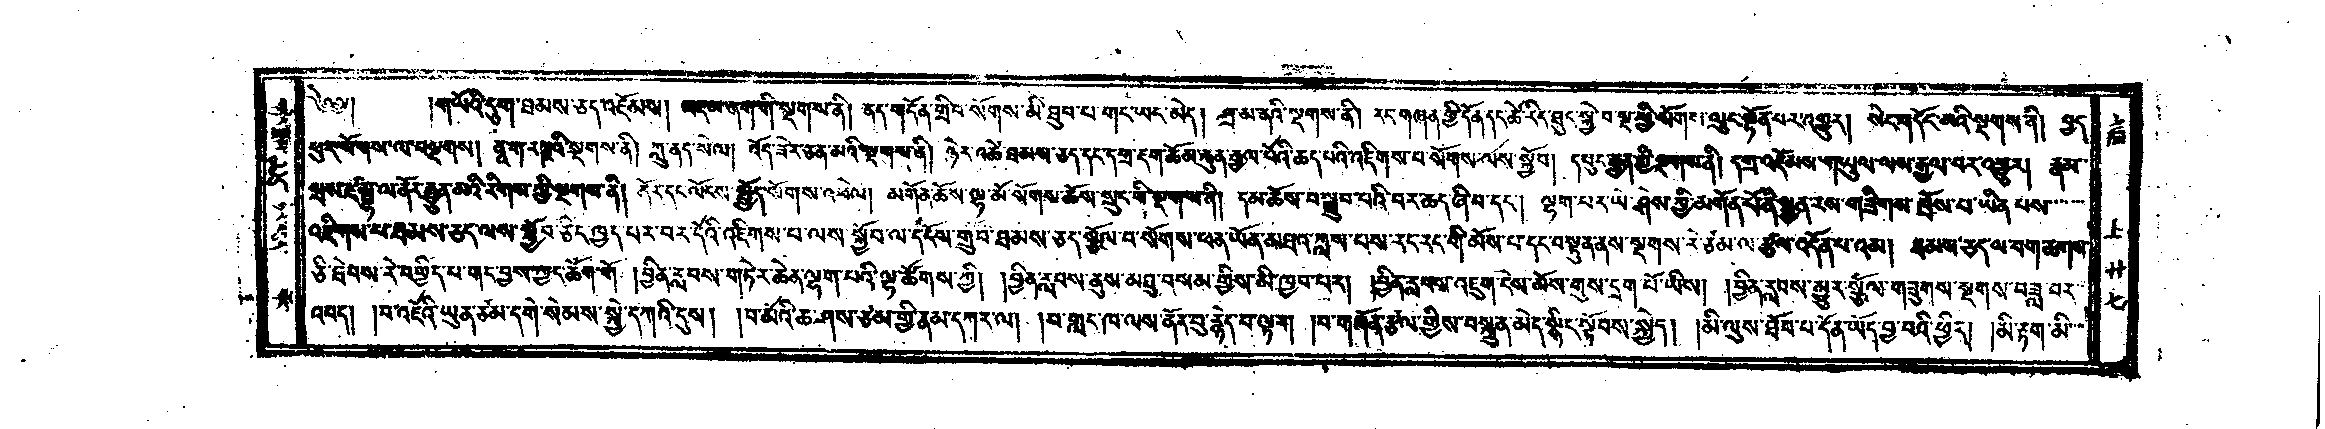༄༅། །གཡོའི་དུག་ཐམས་ཅད་འཇོམས། འཇམ་ནག་གི་སྔགས་ནི། ནད་གདོན་གྲིབ་སོགས་མི་ཐུབ་པ་གང་ཡང་མེད། ཤྲ་མ་ནའི་སྔགས་ནི། རང་གཞན་གྱི་དོན་དང་ཚེ་རིང་ཐུང་སྐྱེ་བ་སྔ་ཕྱི་སོགས་ལུང་སྟོན་པར་འགྱུར། སེང་གདོང་མའི་སྔགས་ནི། བྱད་
ཕུར་སོགས་ལ་བསྔགས། ནཱ་ག་རཀྵའི་སྔགས་ནི། ཀླུ་ནད་སེལ། འོད་ཟེར་ཅན་མའི་སྔགས་ནི། ཉེར་འཚེ་ཐམས་ཅད་དང་དགྲ་ཇག་ཆོམ་རྐུན་རྒྱལ་པོའི་ཆད་པའི་འཇིགས་པ་སོགས་ལས་སྐྱོབ། དཔུང་རྒྱན་གྱི་སྔགས་ནི། དགྲ་འཇོམས་གཡུལ་ལས་རྒྱལ་བར་འགྱུར། རྣམ་
སྲས་ཛམྦྷ་ལ་ནོར་རྒྱུན་མའི་རིགས་ཀྱི་སྔགས་ནི། ནོར་དང་ལོངས་སྤྱོད་སོགས་འཕེལ། མགོན་ཆོས་ལྷ་མོ་སོགས་ཆོས་སྲུང་གི་སྔགས་ནི། དམ་ཆོས་བསྒྲུབ་པའི་བར་ཆད་ཞི་བ་དང་། ལྷག་པར་ཡེ་ཤེས་ཀྱི་མགོན་པོ་ནི་སྤྱན་རས་གཟིགས་ཁྲོས་པ་ཡིན་པས
འཇིགས་པ་ཐམས་ཅད་ལས་སྐྱོབ་ཅིང་ཁྱད་པར་བར་དོའི་འཇིགས་པ་ལས་སྐྱོབ་ལ་དངོས་གྲུབ་ཐམས་ཅད་སྩོལ་བ་སོགས་ཕན་ཡོན་མཐའ་ཀླས་པས་རང་རང་གི་མོས་པ་དང་བསྟུན་ནས་སྔགས་རེ་ཙམ་ལ་རྩལ་འདོན་པ་འམ། ཐམས་ཅད་ལ་བག་ཆགས་
ཅི་ཐེབས་རེ་བགྱིད་པ་གང་བྱས་ཀྱང་ཆོག་གོ །བྱིན་རླབས་གཏེར་ཆེན་ལྷག་པའི་ལྷ་ཚོགས་ཀྱི། །བྱིན་རླབས་ནུས་མཐུ་བསམ་གྱིས་མི་ཁྱབ་པར། །བྱིན་རླབས་འཇུག་དེས?་མོས་གུས་དྲག་པོ་ཡིས། །བྱིན་རླབས་མྱུར་སྩོལ་གཟུགས་སྔགས་བཟླ་བར་
འབད། །བ་འཇོའི་ཡུན་ཙམ་དགེ་སེམས་སྐྱེ་དཀའི་དུས། །བ་མོའི་ཆ་ཤས་ཙམ་གྱི་རྣམ་དཀར་ལ། །བ་གླང་ཁ་ལས་ནོར་བུ་རྙེད་པ་ལྟར། །བ་གཞོན་རྩལ་གྱིས་བསྐྲུན་མེད་སྙིང་སྟོབས་སྐྱེད། །མི་ལུས་ཐོབ་པ་དོན་ཡོད་བྱ་བའི་ཕྱིར། །མི་རྟག་མི་